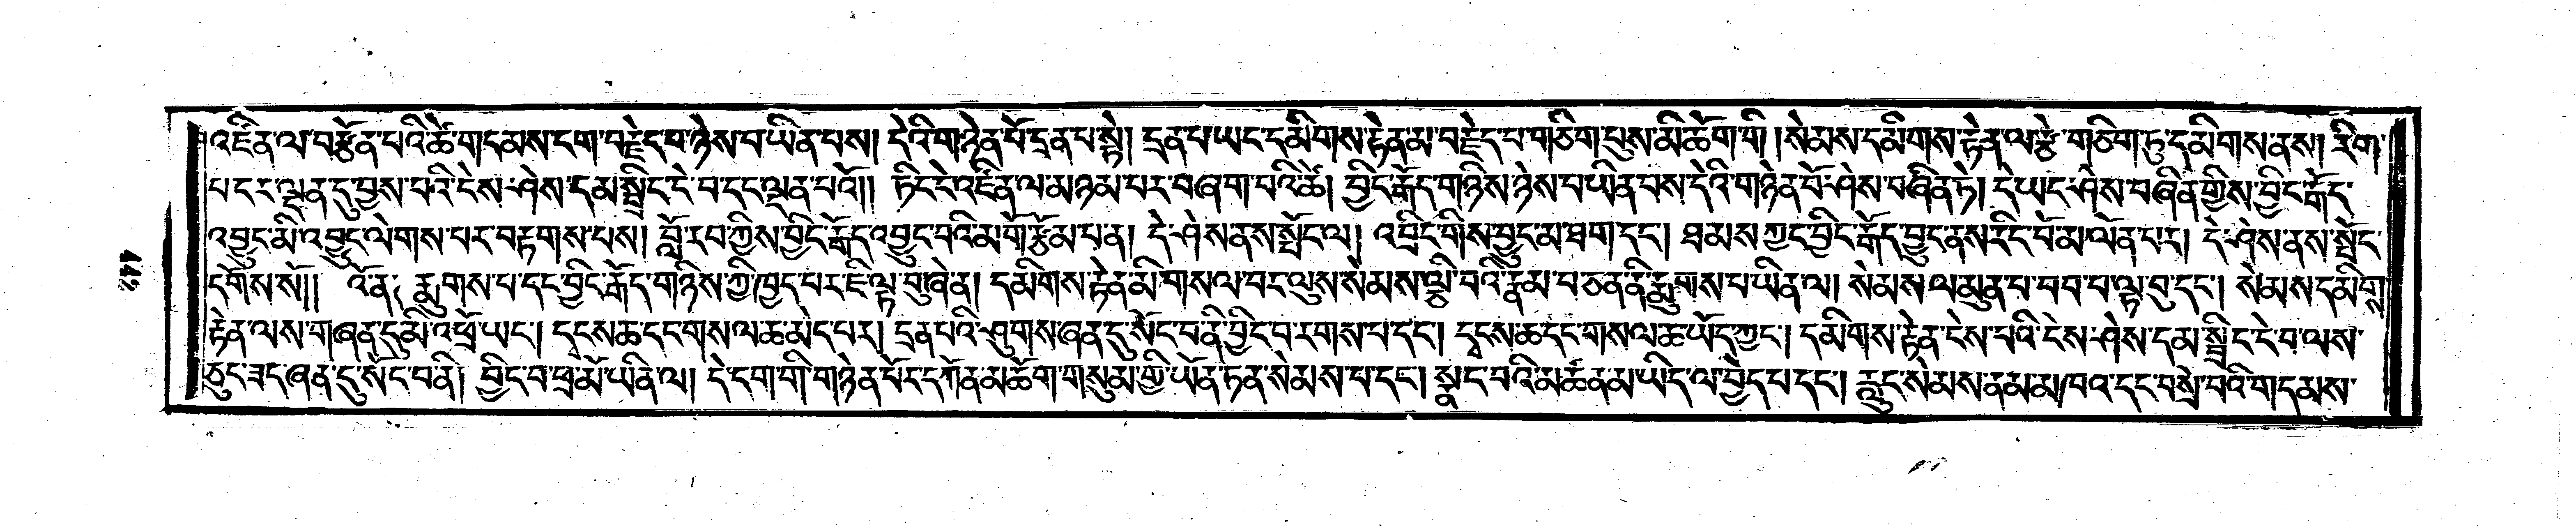འཛིན་ལ་བརྩོན་པའི་ཚེ་གདམས་ངག་བརྗེད་པ་ཉེས་པ་ཡིན་པས། དེའི་གཉེན་པོ་དྲན་པ་སྟེ། དྲན་པ་ཡང་དམིགས་རྟེན་མ་བརྗེད་པ་གཅིག་པུས་མི་ཆོག་གི །སེམས་དམིགས་རྟེན་ལ་རྩེ་གཅིག་ཏུ་དམིགས་ནས། རིག་
པ་ངར་ལྡན་དུ་བྱས་པའི་ངེས་ཤེས་དམ་སྤྲིང་ངེ་བ་དང་ལྡན་པའོ། །ཏིང་ངེ་འཛིན་ལ་མཉམ་པར་བཞག་པའི་ཚེ། བྱིང་རྒོད་གཉིས་ཉེས་པ་ཡིན་པས་དེའི་གཉེན་པོ་ཤེས་བཞིན་ཏེ། དེ་ཡང་ཤེས་བཞིན་གྱིས་བྱིང་རྒོད་
འབྱུང་མི་འབྱུང་ལེགས་པར་བརྟགས་པས། བློ་རབ་ཀྱིས་བྱིང་རྒོད་འབྱུང་བའི་མགོ་རྩོམ་པ་ན། དེ་ཤེས་ནས་སྤོང་ལ། འབྲིང་གིས་བྱུང་མ་ཐག་དང་། ཐ་མས་ཀྱང་བྱིང་རྒོད་བྱུང་ནས་རིང་པོ་མ་ལོན་པར། དེ་ཤེས་ནས་སྤོང་
དགོས་སོ།། འོ་ན༑ རྨུགས་པ་དང་བྱིང་རྒོད་གཉིས་ཀྱི་ཁྱད་པར་ཇི་ལྟ་བུ་ཞེ་ན། དམིགས་རྟེན་མི་གསལ་བར་ལུས་སེམས་ལྕི་བའི་རྣམ་པ་ཅན་ནི་རྨུགས་པ་ཡིན་ལ། སེམས་ལ་མུན་པ་བབ་པ་ལྟ་བུ་དང་། སེམས་དམིགས་
རྟེན་ལས་གཞན་དུ་མི་འཕྲོ་ཡང་། དྭངས་ཆ་དང་གསལ་ཆ་མེད་པར། དྲན་པའི་ཤུགས་ཞན་དུ་སོང་བ་ནི་བྱིང་བ་རགས་པ་དང་། དྭངས་ཆ་དང་གསལ་ཆ་ཡོད་ཀྱང་། དམིགས་རྟེན་ངེས་པའི་ངེས་ཤེས་དམ་སྤྲིང་ངེ་བ་ལས་
ཅུང་ཟད་ཞན་དུ་སོང་བ་ནི། བྱིང་བ་ཕྲ་མོ་ཡིན་ལ། དེ་དག་གི་གཉེན་པོར་དཀོན་མཆོག་གསུམ་གྱི་ཡོན་ཏན་སེམས་པ་དང་། སྣང་བའི་མཚན་མ་ཡིད་ལ་བྱེད་པ་དང་། རླུང་སེམས་ནམ་མཁའ་དང་བསྲེ་བའི་གདམས་